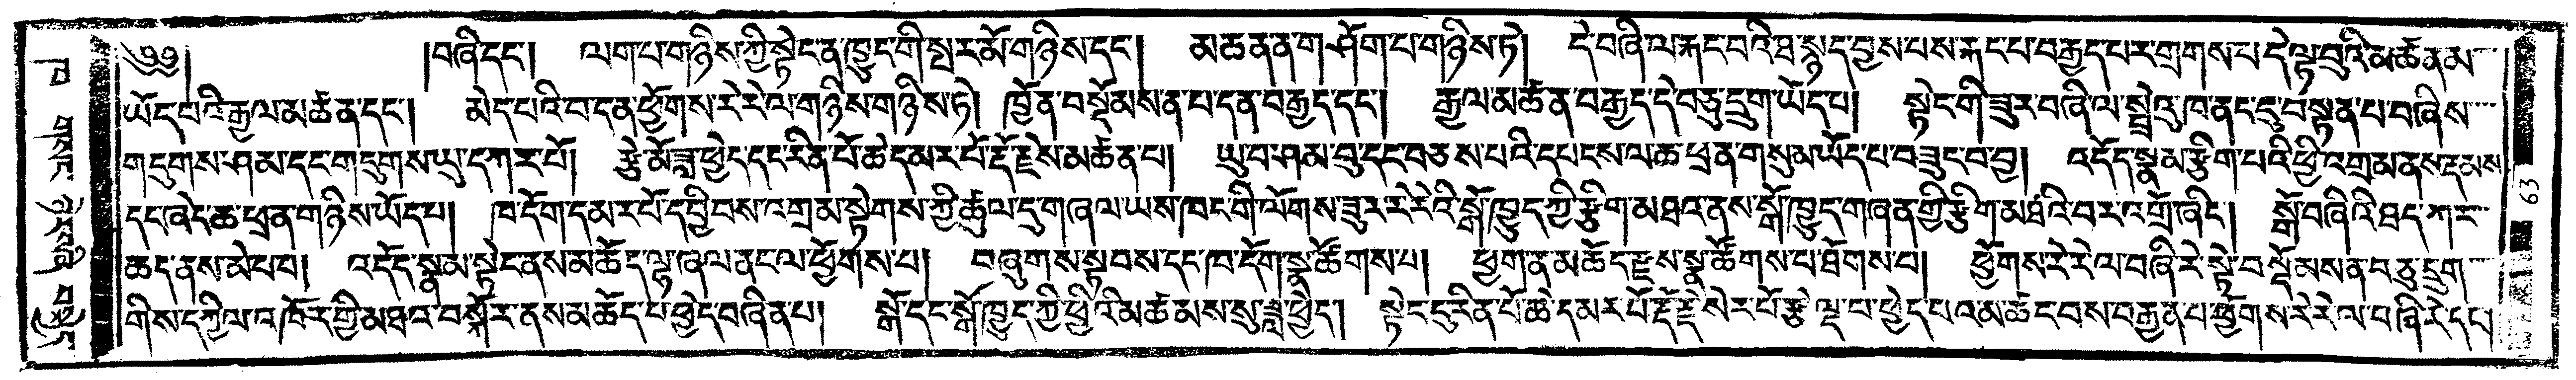༄༅། །བཞི་དང་། ལག་པ་གཉིས་ཀྱི་སྟེང་ན་ཁྱུད་གི་སྤར་མོ་གཉིས་དང་། མཆན་ན་གཤོག་པ་གཉིས་ཏེ། དེ་བཞི་ལ་རྐང་བའི་ཐ་སྙད་བྱས་པས་རྐང་པ་བརྒྱད་པར་གྲགས་པ་དེ་ལྟ་བུའི་མཚན་མ་
ཡོད་པའི་རྒྱལ་མཚན་དང་། མེད་པའི་བ་དན་ཕྱོགས་རེ་རེ་ལ་གཉིས་གཉིས་ཏེ། ཁྱོན་བསྡོམས་ན་བ་དན་བརྒྱད་དང་། རྒྱལ་མཚན་བརྒྱད་དེ་བཅུ་དྲུག་ཡོད་པ། སྟེང་གི་ཟུར་བཞི་ལ་སྤྲེའུ་ཁ་ནང་དུ་བསྟན་པ་བཞིས་
གདུགས་ཤམ་དང་གདུགས་ཡུ་དཀར་པོ། རྩེ་མོ་ཟླ་ཕྱེད་དང་རིན་པོ་ཆེ་དམར་པོ་རྡོ་རྗེས་མཚན་པ། ཡུབ་ཤམ་བུ་དང་བཅས་པའི་དཔངས་ལ་ཆ་ཕྲན་གསུམ་ཡོད་པ་བཟུང་བ་བྱ། འདོད་སྣམ་རྩིག་པའི་ཕྱི་འགྲམ་ནས་རྡམས་
དང་ཞེད་ཆ་ཕྲན་གཉིས་ཡོད་པ། ཁ་དོག་དམར་པོ་དབྱིབས་འགྲམ་སྟེགས་ཀྱི་ཚུལ་དུ་གཞལ་ཡས་ཁང་གི་ལོགས་ཟུར་རེ་རེའི་སྒོ་ཁྱུད་ཀྱི་རྩིག་མཐའ་ནས་སྒོ་ཁྱུད་གཞན་གྱི་རྩིག་མཐའི་བར་འགྲོ་ཞིང་། སྒོ་བཞིའི་ཐད་ཀར་
ཆད་ནས་མེད་པ། འདོད་སྣམ་སྟེང་ནས་མཆོད་ལྷ་ཞལ་ནང་ལ་ཕྱོགས་པ། བཞུགས་སྟབས་དང་ཁ་དོག་སྣ་ཚོགས་པ། ཕྱག་ན་མཆོད་རྫས་སྣ་ཚོགས་པ་ཐོགས་པ། ཕྱོགས་རེ་རེ་ལ་བཞི་རེ་སྟེ་བསྡོམས་ན་བཅུ་དྲུག་
གིས་དཀྱིལ་འཁོར་གྱི་མཐའ་བསྐོར་ནས་མཆོད་པ་ཕྱེད་བཞིན་པ། སྒོ་དང་སྒོ་ཁྱུད་ཀྱི་ཕྱིའི་མཚམས་སུ་ཟླ་ཕྱེད། སྟེང་དུ་རིན་པོ་ཆེ་དམར་པོ་རྡོ་རྗེ་སེར་པོ་རྩེ་ལྔ་པ་ཕྱེད་པ་འམ་ཚང་བས་བརྒྱན་པ་ཕྱོགས་རེ་རེ་ལ་བཞི་རེ་དང་།